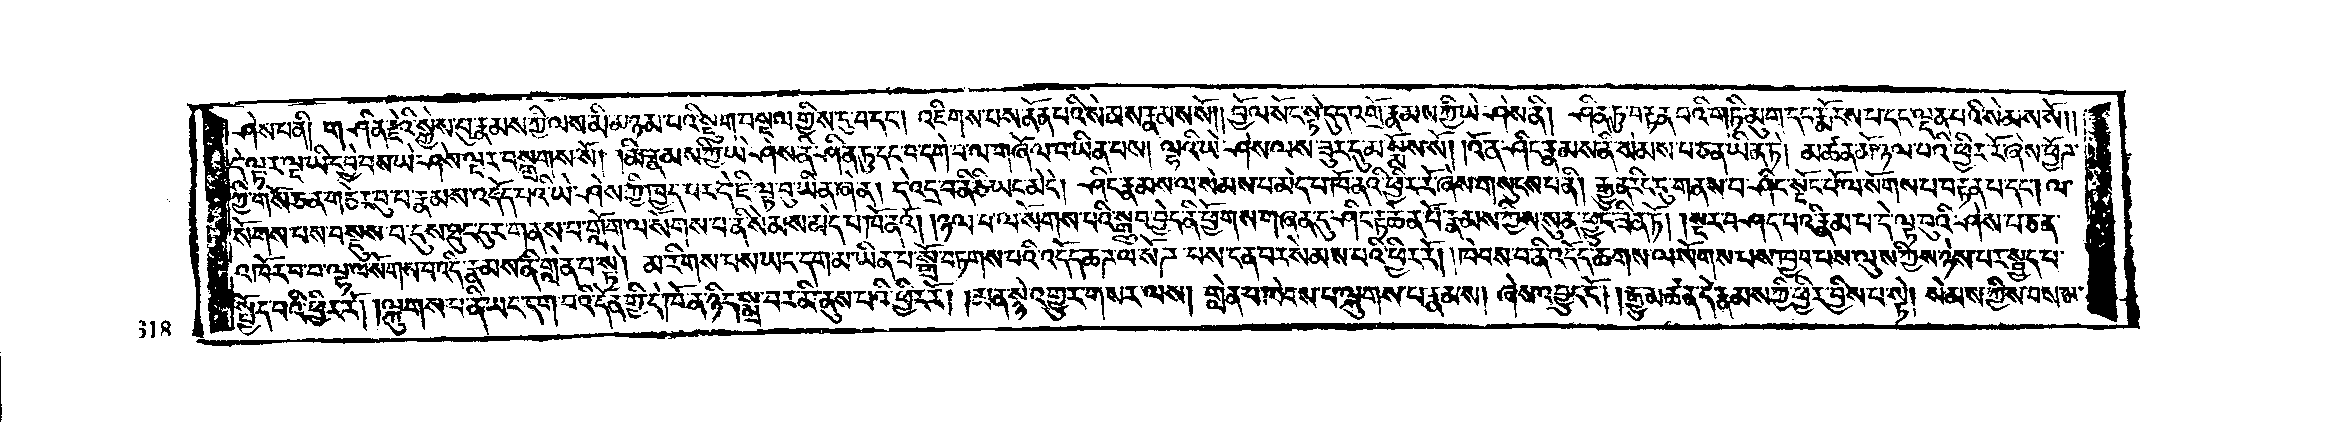ཤེས་པ་ནི། གཤིན་རྗེའི་སྐྱེས་བུ་རྣམས་ཀྱི་ལས་མི་མཉམ་པའི་སྡུག་བསྔལ་གྱིས་དུ་བ་དང་། འཇིགས་པས་ནོན་པའི་སེམས་རྣམས་སོ། །བྱོལ་སོང་སྟེ་དུད་འགྲོ་རྣམས་ཀྱི་ཡེ་ཤེས་ནི། ཤིན་ཏུ་བརྟན་པའི་གཏི་མུག་དང་རྨོངས་པ་དང་ལྡན་པའི་སེམས་སོ།།
དེ་ལྟར་ལྔ་ཡི་དབྱེ་བས་ཡེ་ཤེས་ལྔར་བསྒྲགས་སོ། །མི་རྣམས་ཀྱི་ཡེ་ཤེས་ནི་ཤིན་ཏུ་དང་བ་དགེ་བ་ལ་གཞོལ་བ་ཡིན་པས། ལྷའི་ཡེ་ཤེས་ལས་ཟུར་དུ་མ་སྨོས་སོ། །འོ་ན་ཤིང་རྣམས་ནི་སེམས་པ་ཅན་ཡིན་ཏེ། མཚན་མོ་ཉལ་བའི་ཕྱིར་རོ་ཞེས་ཕྱོགས་
ཀྱི་གསོ་ཅན་གཅེར་བུ་པ་རྣམས་འདོད་པའི་ཡེ་ཤེས་ཀྱི་ཁྱད་པར་དེ་ཇི་ལྟ་བུ་ཡིན་ཞེ་ན། དེ་འདྲ་བ་ནི་ཅི་ཡང་མེད་དེ། ཤིང་རྣམས་ལ་སེམས་པ་མེད་པ་ཁོ་ནའི་ཕྱིར་རོ་ཞེས་གསུངས་པ་ནི། རྒྱུན་རིང་དུ་གནས་པ་ཤིང་སྡོང་པོ་ལ་སོགས་པ་བརྟན་པ་དང་། ལ་
སོགས་པས་བསྡུས་པ་དུས་ཐུང་ངུར་གནས་པ་གློག་ལ་སོགས་པ་ནི་སེམས་མེད་པ་ཁོ་ནའོ། །ཉལ་བ་ལ་སོགས་པའི་སྒྲུབ་བྱེད་ནི་ཕྱོགས་གཞན་དུ་ཤིང་རྟ་ཆེན་པོ་རྣམས་ཀྱིས་སུན་ཕྱུང་ཟིན་ཏོ། །སྔར་བཤད་པའི་རྣམ་པ་དེ་ལྟ་བུའི་ཤེས་པ་ཅན་
འཁོར་བ་བ་ལྷ་ལ་སོགས་པ་འདི་རྣམས་ནི་གླེན་པ་སྟེ། མ་རིགས་པས་ཁྱབ་པས་ལུས་ཀྱིས་ཉེས་པར་སྤྱད་པ་ངན་པར་སེམས་པའི་ཕྱིར་རོ། །ཁེབས་པ་ནི་འདོད་ཆགས་ལ་སོགས་པས་ཁྱབ་པས་ལུས་ཀྱིས་ཉེས་པར་སྤྱད་པ་
སྤྱོད་པའི་ཕྱིར་རོ། །ལྐུགས་པ་ནི་ཡང་དག་པའི་དོན་གྱི་དེ་ཁོ་ན་ཉིད་སྨྲ་བར་མི་ནུས་པའི་ཕྱིར་རོ། །མན་སྙེ་འགྱུར་གསར་ལས། གླེན་པ་ཁེབས་པ་ལྐུགས་པ་རྣམས། ཞེས་འབྱུང་ངོ། །རྒྱུ་མཚན་དེ་རྣམས་ཀྱི་ཕྱིར་བྱིས་པ་སྟེ། སེམས་ཀྱིས་བསམ་